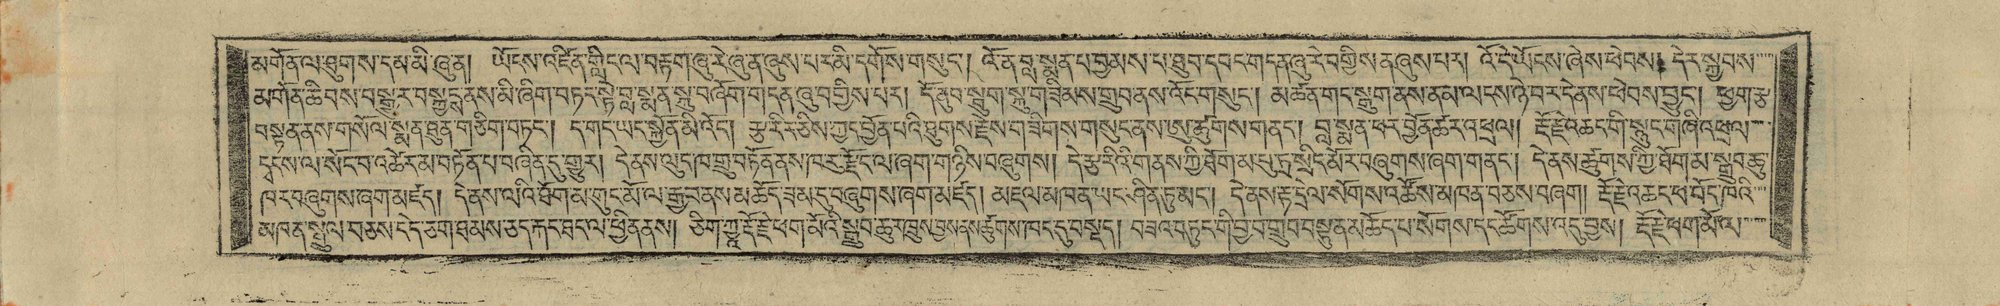མགོན་ལ་ཐུགས་དམ་མི་ཞུ་ན། ཡོངས་འཛིན་གླིང་ལ་བརྟག་ཞུ་རེ་ཞུ་ན་ཞུས་པར་མི་དགོས་གསུང་། འོ་ན་བླ་སྨན་པ་བྱམས་པ་ཐུབ་དབང་གདན་ཞུ་རེ་བགྱིས་ན་ཞུས་པར། འོ་དེ་ཡོངས་ཞེས་ཕེབས། དེར་སྐྱབས་
མགོན་ཆིབས་བསྒྱུར་བསྐྱངས་ནས་མི་ཞིག་བཏང་སྟེ་བླ་སྨན་སྐུ་བཞོག་གདན་ཞུ་བགྱིས་པར། དོ་ནུབ་སྦུག་སྐུ་གཟིམས་གྲུབ་ནས་འོང་གསུང་། མཚན་གང་སྒུག་ནས་ནམ་ལངས་ཉེ་བར་དེ་ནས་ཕེབས་བྱུང་། ཕྱག་རྩ་
བསྟན་ནས་གསོལ་སྨན་ཐུན་གཅིག་བཏང་། ད་གང་ཡང་སྐྱོན་མི་འོང་། རྩ་རིར་ཅིས་ཀྱང་བྱོན་པའི་ཐུགས་རྗེས་གཟིགས་གསུང་ནས་ཨུ་ཚུགས་གནང་། བླ་སྨན་ཕར་བྱོན་ཚར་འཕྲལ། རྡོ་རྗེ་འཆང་གི་སྙུང་གཞི་འཕྲལ་
དྭངས་ལ་སོང་བ་འཚེར་མ་བཏོན་པ་བཞིན་དུ་གྱུར། དེ་ནས་ལུང་ཁ་གྲུ་བཏོན་ནས་ཁུ་རུ་རྫོང་ལ་ཞག་གཉིས་བཞུགས། དེ་རྩ་རིའི་གནས་ཀྱི་ཐོག་མ་པུ་ཏྲ་སྲིད་མོར་བཞུགས་ཞག་གནང་། དེ་ནས་ཚུགས་ཀྱི་ཐོག་མ་སྒྲུབ་ཆུ་
ཁར་བཞུགས་ཞག་མཛད། དེ་ནས་ལའི་ཐོག་མ་གུང་མོ་ལ་རྒྱབ་ནས་མཆོད་ཟམ་དུ་བཞུགས་ཞག་མཛད། མཇལ་མཁན་ཡང་ཤིན་ཏུ་མང་། དེ་ནས་རྟ་དྲེལ་སོགས་འཚོས་མཁན་བཅས་བཞག །རྡོ་རྗེ་འཆང་ཕ་བོང་ཁའི་
མཁན་སྤྲུལ་བཅས་ངེད་ཅག་ཐམས་ཅད་རྐང་ཐང་ལ་ཕྱིན་ནས། ཅིག་ཀྱཱ་རྡོ་རྗེ་ཕག་མོའི་སྒྲུབ་ཆུར་ཁྲུས་བྱས་ནས་ཚུགས་ཁང་དུ་བསྡད། བཟའ་བཏུང་གི་བྱ་བ་གྲུབ་བསྟུན་མཆོད་པ་སོགས་དང་ཚོགས་འདུ་བྱས། རྡོ་རྗེ་ཕག་མོ་ལ་